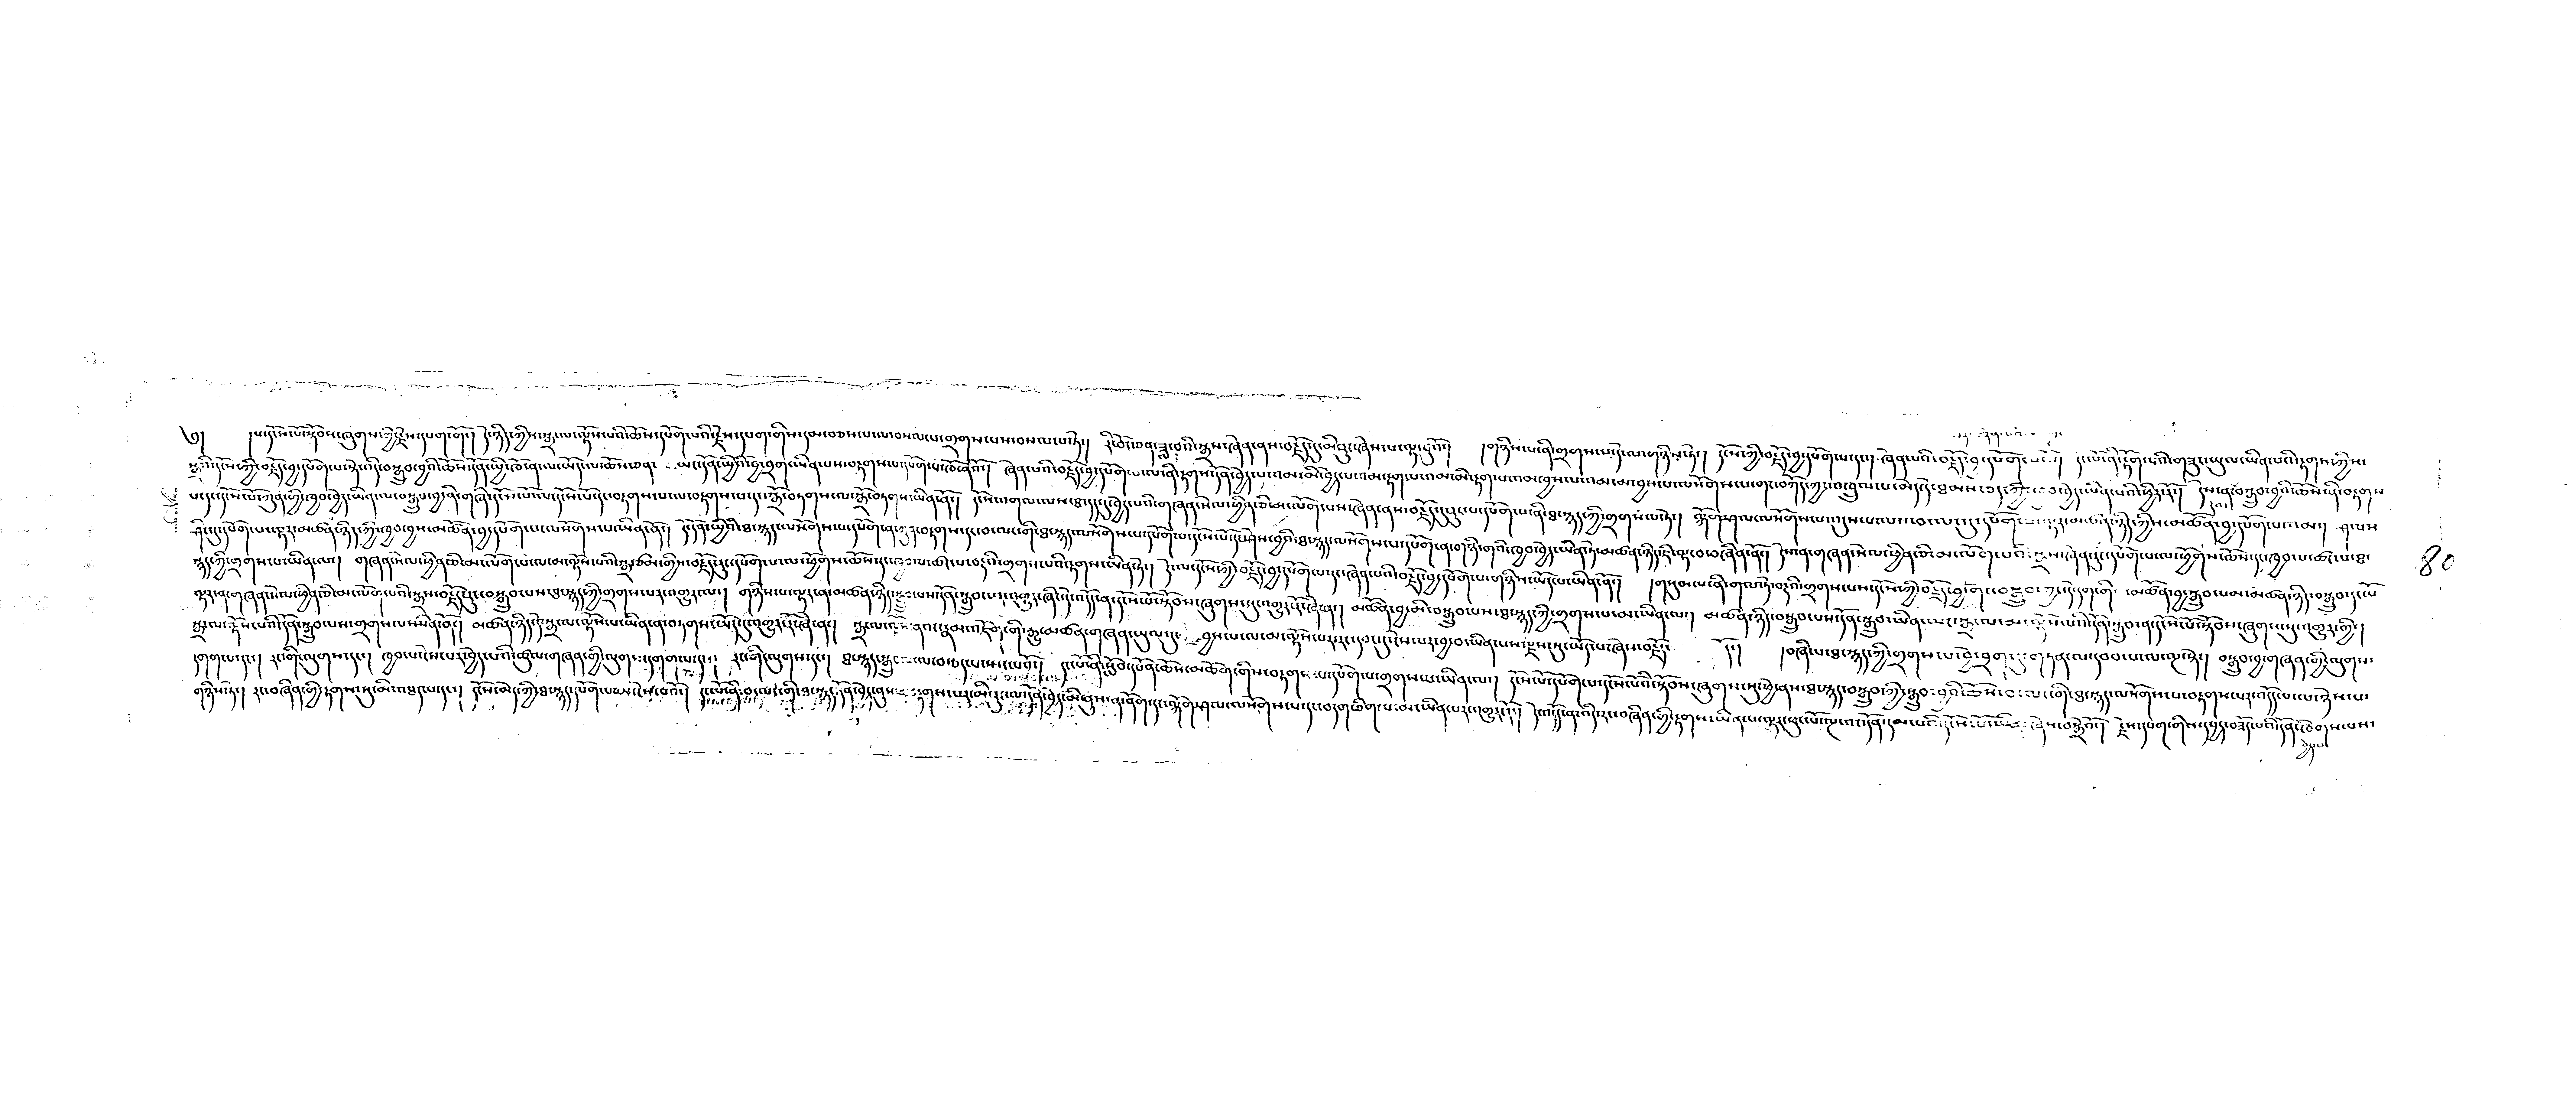༈། །པ་དངོས་པོ་སྟོབས་ཞུགས་ཀྱི་རྗེས་དཔག་གོ། དེ་ཉིད་ཀྱིས་སྒྲ་ལ་ལྟོས་པའི་ཆོས་དཔོག་པའི་རྗེས་དཔག་གིས་དམ་བཅས་པ་ལ་བསལ་པ་གྲགས་པས་བསལ་པ་ཏེ། རི་བོང་ཅན་ཟླ་བའི་སྒྲས་ཞེན་ནས་བརྗོད་དུ་མི་རུང་ཞེས་པ་ལྟ་བུའོ། །གཉིས་པ་ནི་གྲགས་པ་དེ་ལ་གཉིས་ཏེ། དངོས་ཀྱི་བརྗོད་བྱ་དཔོག་པ་དང་། ཞེན་པའི་བརྗོད་བྱ་དཔོག་པའོ། དང་པོ་ནི་རྟོག་པའི་གཟུང་ཡུལ་ཡིན་པའི་རྟགས་ཀྱིས་
སྒྲའི་དངོས་ཀྱི་བརྗོད་བྱ་དཔོག་པ་སྟེ་འདི་བསྒྲུབ་བྱའི་ཆོས་དོན་སྤྱི་ཁོ་ན་ལ་ཡོད་ལ་ཆོས་ཅན་ཡང་དོན་སྤྱིའི་བྱེ་བྲག་ཡིན་པས་བརྟགས་པ་དཔོག་པ་ཁོ་ནའོ། ཞེན་པའི་བརྗོད་བྱ་དཔོག་པ་ལ་ནི་རྟགས་དོན་བྱེད་པ་འམ་མི་བྱེད་པ་འམ་རྟག་པ་འམ་མི་རྟག་པ་འམ་བྱས་པ་འམ་མ་བྱས་པ་ལ་སོགས་པ་གང་བཀོད་ཀྱང་འཁྲུལ་པ་མེད་དེ་ཐམས་ཅད་ཀྱི་ཁྱབ་བྱེད་ཡིན་པའི་ཕྱིར་རོ། དེས་ན་བསྒྲུབ་བྱའི་ཆོས་ནི་བརྟགས་
པ་དང་དངོས་པོ་ཀུན་གྱི་ཁྱབ་བྱེད་ཡིན་ལ་བསྒྲུབ་བྱ་ནི་གཞི་དངོས་པོ་ལ་དངོས་པོ་དང་བརྟགས་པ་ལ་བརྟགས་པ་དང་སྒྲོ་བཏགས་ལ་སྒྲོ་བཏགས་ཡིན་ནོ། དངོས་འགལ་ལས་ཐ་དད་དུ་བྱེད་པའི་གཞན་སེལ་ཕྱིན་ཅི་མ་ལོག་པས་ཞེན་ནས་བརྗོད་དུ་རུང་པ་དཔོག་པ་ནི་ཐ་སྙད་ཀྱི་གྲགས་པ་ཏེ། ལྐོག་ཤལ་ལ་སོགས་པ་འདུས་པ་ལས་བ་ལང་དུ་དཔོག་པ་ལྟར་མཚན་ཉིད་ཀྱིས་མཚོན་བྱ་དཔོག་པ་འམ། ཤ་པས་
ཤིང་དུ་དཔོག་པ་ལྟར་མཚན་ཉིད་ཀྱི་ཁྱབ་བྱས་མཚོན་བྱ་དཔོག་པ་ལ་སོགས་པ་ཡིན་ནོ། དེ་དོན་སྤྱིའི་ཐ་སྙད་ལ་སོགས་པ་དཔོག་ན་ཀུན་བརྟགས་དང་བ་ལང་གི་ཐ་སྙད་ལ་སོགས་པ་ལ་དཔོག་པ་དངོས་པོ་དང་ཤེས་བྱའི་ཐ་སྙད་ལ་སོགས་པ་དཔོག་ན་གཉི་གའི་ཁྱབ་བྱེད་ཡིན་ཏེ་མཚན་ཉིད་ཇི་ལྟ་བ་བཞིན་ནོ། དེས་ན་གཞན་སེལ་ཕྱིན་ཅི་མ་ལོག་པའི་སྒྲས་ཞེན་རུང་དཔོག་པ་ལ་ཕྱོགས་ཆོས་དང་ཁྱབ་པ་ཚང་པ་ཐ་
སྙད་ཀྱི་གྲགས་པ་ཡིན་ལ། གཞན་སེལ་ཕྱིན་ཅི་མ་ལོག་པ་ལ་མ་ལྟོས་པའི་སྒྲ་ཙམ་གྱིས་བརྗོད་རུང་དཔོག་པ་ལ་ཕྱོགས་ཆོས་དང་ཁྱབ་པ་ཚང་པ་བརྡའི་གྲགས་པའི་རྟགས་ཡིན་ཏེ། དེ་ལ་དངོས་ཀྱི་བརྗོད་བྱ་དཔོག་པ་དང་ཞེན་པའི་བརྗོད་བྱ་དཔོག་པ་གཉིས་ཡོད་པ་ཡིན་ནོ། །གསུམ་པ་ནི་གལ་ཏེ་བརྡའི་གྲགས་པས་དངོས་ཀྱི་བརྗོད་བྱ་གང་བསྒྲུབ་ཀྱང་དེ་དག་གི་མཚོན་བྱ་སྒྲུབ་པམ་མཚན་ཉིད་བསྒྲུབ་དང་པོ་
ལྟར་ན་གཞན་སེལ་ཕྱིན་ཅི་མ་ལོག་པའི་སྒྲས་བརྗོད་རུང་བསྒྲུབ་པས་ཐ་སྙད་ཀྱི་གྲགས་པར་འགྱུར་ལ། གཉིས་པ་ལྟར་ན་མཚན་ཉིད་སྒྲུབ་པས་དོན་སྒྲུབ་པར་འགྱུར་ཞིང་དེ་འདོད་ན་དངོས་པོ་སྟོབས་ཞུགས་སུ་འགྱུར་རོ་ཞེ་ན། མཚོན་བྱ་མི་བསྒྲུབ་པས་ཐ་སྙད་ཀྱི་གྲགས་པ་མ་ཡིན་ལ། མཚན་ཉིད་བསྒྲུབ་པས་དོན་སྒྲུབ་ཡིན་ཡང་སྒྲ་ལ་མ་ལྟོས་པའི་དོན་སྒྲུབ་ན་དངོས་པོ་སྟོབས་ཞུགས་སུ་འགྱུར་གྱི།
སྒྲ་ལ་ལྟོས་པའི་དོན་སྒྲུབ་པས་གྲགས་པས་ཡིན་ནོ། མཚན་ཉིད་དེ་སྒྲ་ལ་ལྟོས་པ་ཡིན་ན་བཏགས་ཡོད་དུ་འགྱུར་རོ་ཞེ་ན། སྒྲ་ལ་ལྟོས་ནའང་རྣམ་འཇོག་གི་རྒྱུ་མཚན་གཞན་ཡུལ་དུ?་?བྱས་པ་ལ་མ་ལྟོས་པར་རང་དབང་དུ་ངེས་པར་བྱ་བ་ཡིན་པས་རྗེས་སུ་ཡོད་པ་ཞེས་བརྗོད་དོ། །བཞི་པ་ཐ་སྙད་ཀྱི་གྲགས་པ་བྱེ་བྲག་དུ་གཏན་ལ་དབབ་པ་ལ་ལྔ་སྟེ། བསྒྲུབ་བྱ་གཞན་གྱི་ལུགས་
དགག་པ་དང་། རང་གི་ལུགས་དང་། ཁྱབ་པ་ངེས་པར་བྱེད་པའི་ཚུལ་གཞན་གྱི་ལུགས་དགག་པ་དང་། རང་གི་ལུགས་དང་། ཐ་སྙད་སྒྲུབ་པ་ལ་བརྩད་པ་སྤང་པའོ། དང་པོ་ནི་སློབ་དཔོན་ཆོས་མཆོག་གིས་བརྟགས་པ་དཔོག་པ་གྲགས་པ་ཡིན་ལ། དངོས་པོ་དཔོག་པ་དངོས་པོའི་སྟོབས་ཞུགས་སུ་ཕྱེ་ནས་ཐ་སྙད་བསྒྲུབ་ཀྱི་སྒྲུབ་བྱའི་ཆོས་བ་ལང་གི་ཐ་སྙད་ལ་སོགས་པ་བརྟགས་པར་འདོད་པ་ལ་ཉེས་པས་
གཉིས་ཏེ། རང་བཞིན་གྱི་རྟགས་སུ་མི་འཐད་པ་དང་། དངོས་མེད་ཀྱི་ཐ་སྙད་དཔོག་པ་མ་ངེས་པའོ། དང་པོ་ནི་བ་ལང་གི་ཐ་སྙད་དོན་བྱེད་ནུས་པ་རྟགས་པར་མི་རུང་ལ་དོན་བྱེད་མི་ནུས་ན་ནོག?་དང་ལྐོག་ཤལ་ལ་སོགས་པ་???་དོན?་ཁེགས་པས་